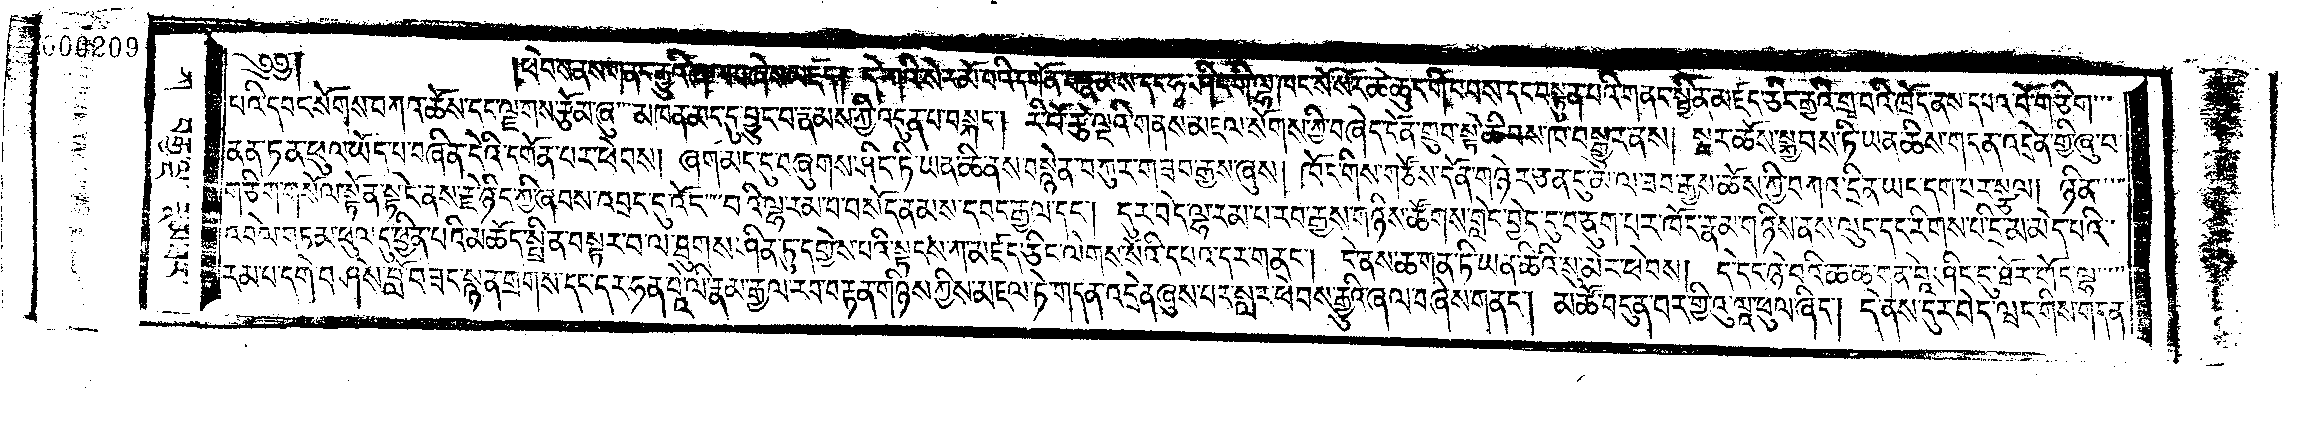༄༅། །ཕེབས་ནས་གནང་རྒྱུའི་ཞལ་བཞེས་མཛད། དེ་ཀའི་སེར་མོ་པའི་དགོན་པ་རྣམས་དང་ཧྭ་ཤིང་གི་ལྷ་ཁང་སོ་སོར་ཆེ་ཆུང་གི་བབས་དང་བསྟུན་པའི་གནང་སྦྱིན་མཛད་ཅིང་རྒྱའི་གྲྭ་བའི་ཁྲོད་ནས་དཔའ་པོ་གཅིག་
པའི་དབང་སོགས་བཀའ་ཆོས་དང་ལྗགས་རྩོམ་ཞུ་མཁན་མང་དུ་བྱུང་བ་རྣམས་ཀྱི་འདུན་པ་བསྐང་། རི་བོ་རྩེ་ལྔའི་གནས་མཇལ་སོགས་ཀྱི་བཞེད་དོན་གྲུབ་སྟེ་ཆིབས་ཁ་བསྒྱུར་ནས། སྔར་ཆོས་སྐྱབས་ཏི་ཡན་ཆིས་གདན་འདྲེན་གྱི་ཞུབ་
ནན་ཏན་ཕུལ་ཡོད་པ་བཞིན་དེའི་དགོན་པར་ཕེབས། ཞག་མང་དུ་བཞུགས་ཤིང་ཏི་ཡན་ཆི་ནས་བསྙེན་བཀུར་གཟབ་རྒྱས་ཞུས། ཁོང་གིས་གཙོས་དོན་གཉེར་ཅན་དུ་མ་ལ་ཟབ་རྒྱས་ཆོས་ཀྱི་བཀའ་དྲིན་ཡང་དག་པར་སྩལ། ཉིན་
གཅིག་གསོལ་སྟོན་སྟེང་ནས་རྗེ་ཉིད་ཀྱི་ཞབས་འབྲང་དུ་འོང་པའི་ལྷ་རམ་པ་བསོད་ནམས་དབང་རྒྱལ་དང་། དུར་བདེ་ལྷ་རམ་པ་རབ་རྒྱས་གཉིས་ཚོགས་གླེང་བྱེད་དུ་བཅུག་པར་ཁོང་རྣམ་གཉིས་ནས་ལུང་དང་རིགས་པ་དྲི་མ་མེད་པའི་
འབེལ་གཏམ་ཕུལ་དུ་ཕྱིན་པའི་མཆོད་སྤྲིན་བསྟར་བ་ལ་ཐུགས་ཤིན་ཏུ་དགྱེས་པའི་སྟངས་ཀ་མཛད་ཅིང་ལེགས་སོའི་དཔའ་དར་གནང་། དེ་ནས་ཆ་གན་ཏི་ཡན་ཆིའི་སུ་མེར་ཕེབས། དེ་དང་ཉེ་བའི་ཆ་ཆ་གན་པE་ཤིང་དུ་ཐོར་གོད་ལྷ་
རམ་བ་དགེ་བཤེས་བློ་བཟང་སྙན་གྲགས་དང་དར་ཧན་པE་ལི་རྣམ་རྒྱལ་རབ་བརྟན་གཉིས་ཀྱིས་མཇལ་ཏེ་གདན་འདྲེན་ཞུས་པར་སླར་ཕེབས་རྒྱུའི་ཞལ་བཞེས་གནང་། མཚོ་བདུན་པར་གྱི་འུ་ལཱ་ཕུལ་ཞིང་། དེ་ནས་དུར་བེད་ཝང་གིས་གདན་